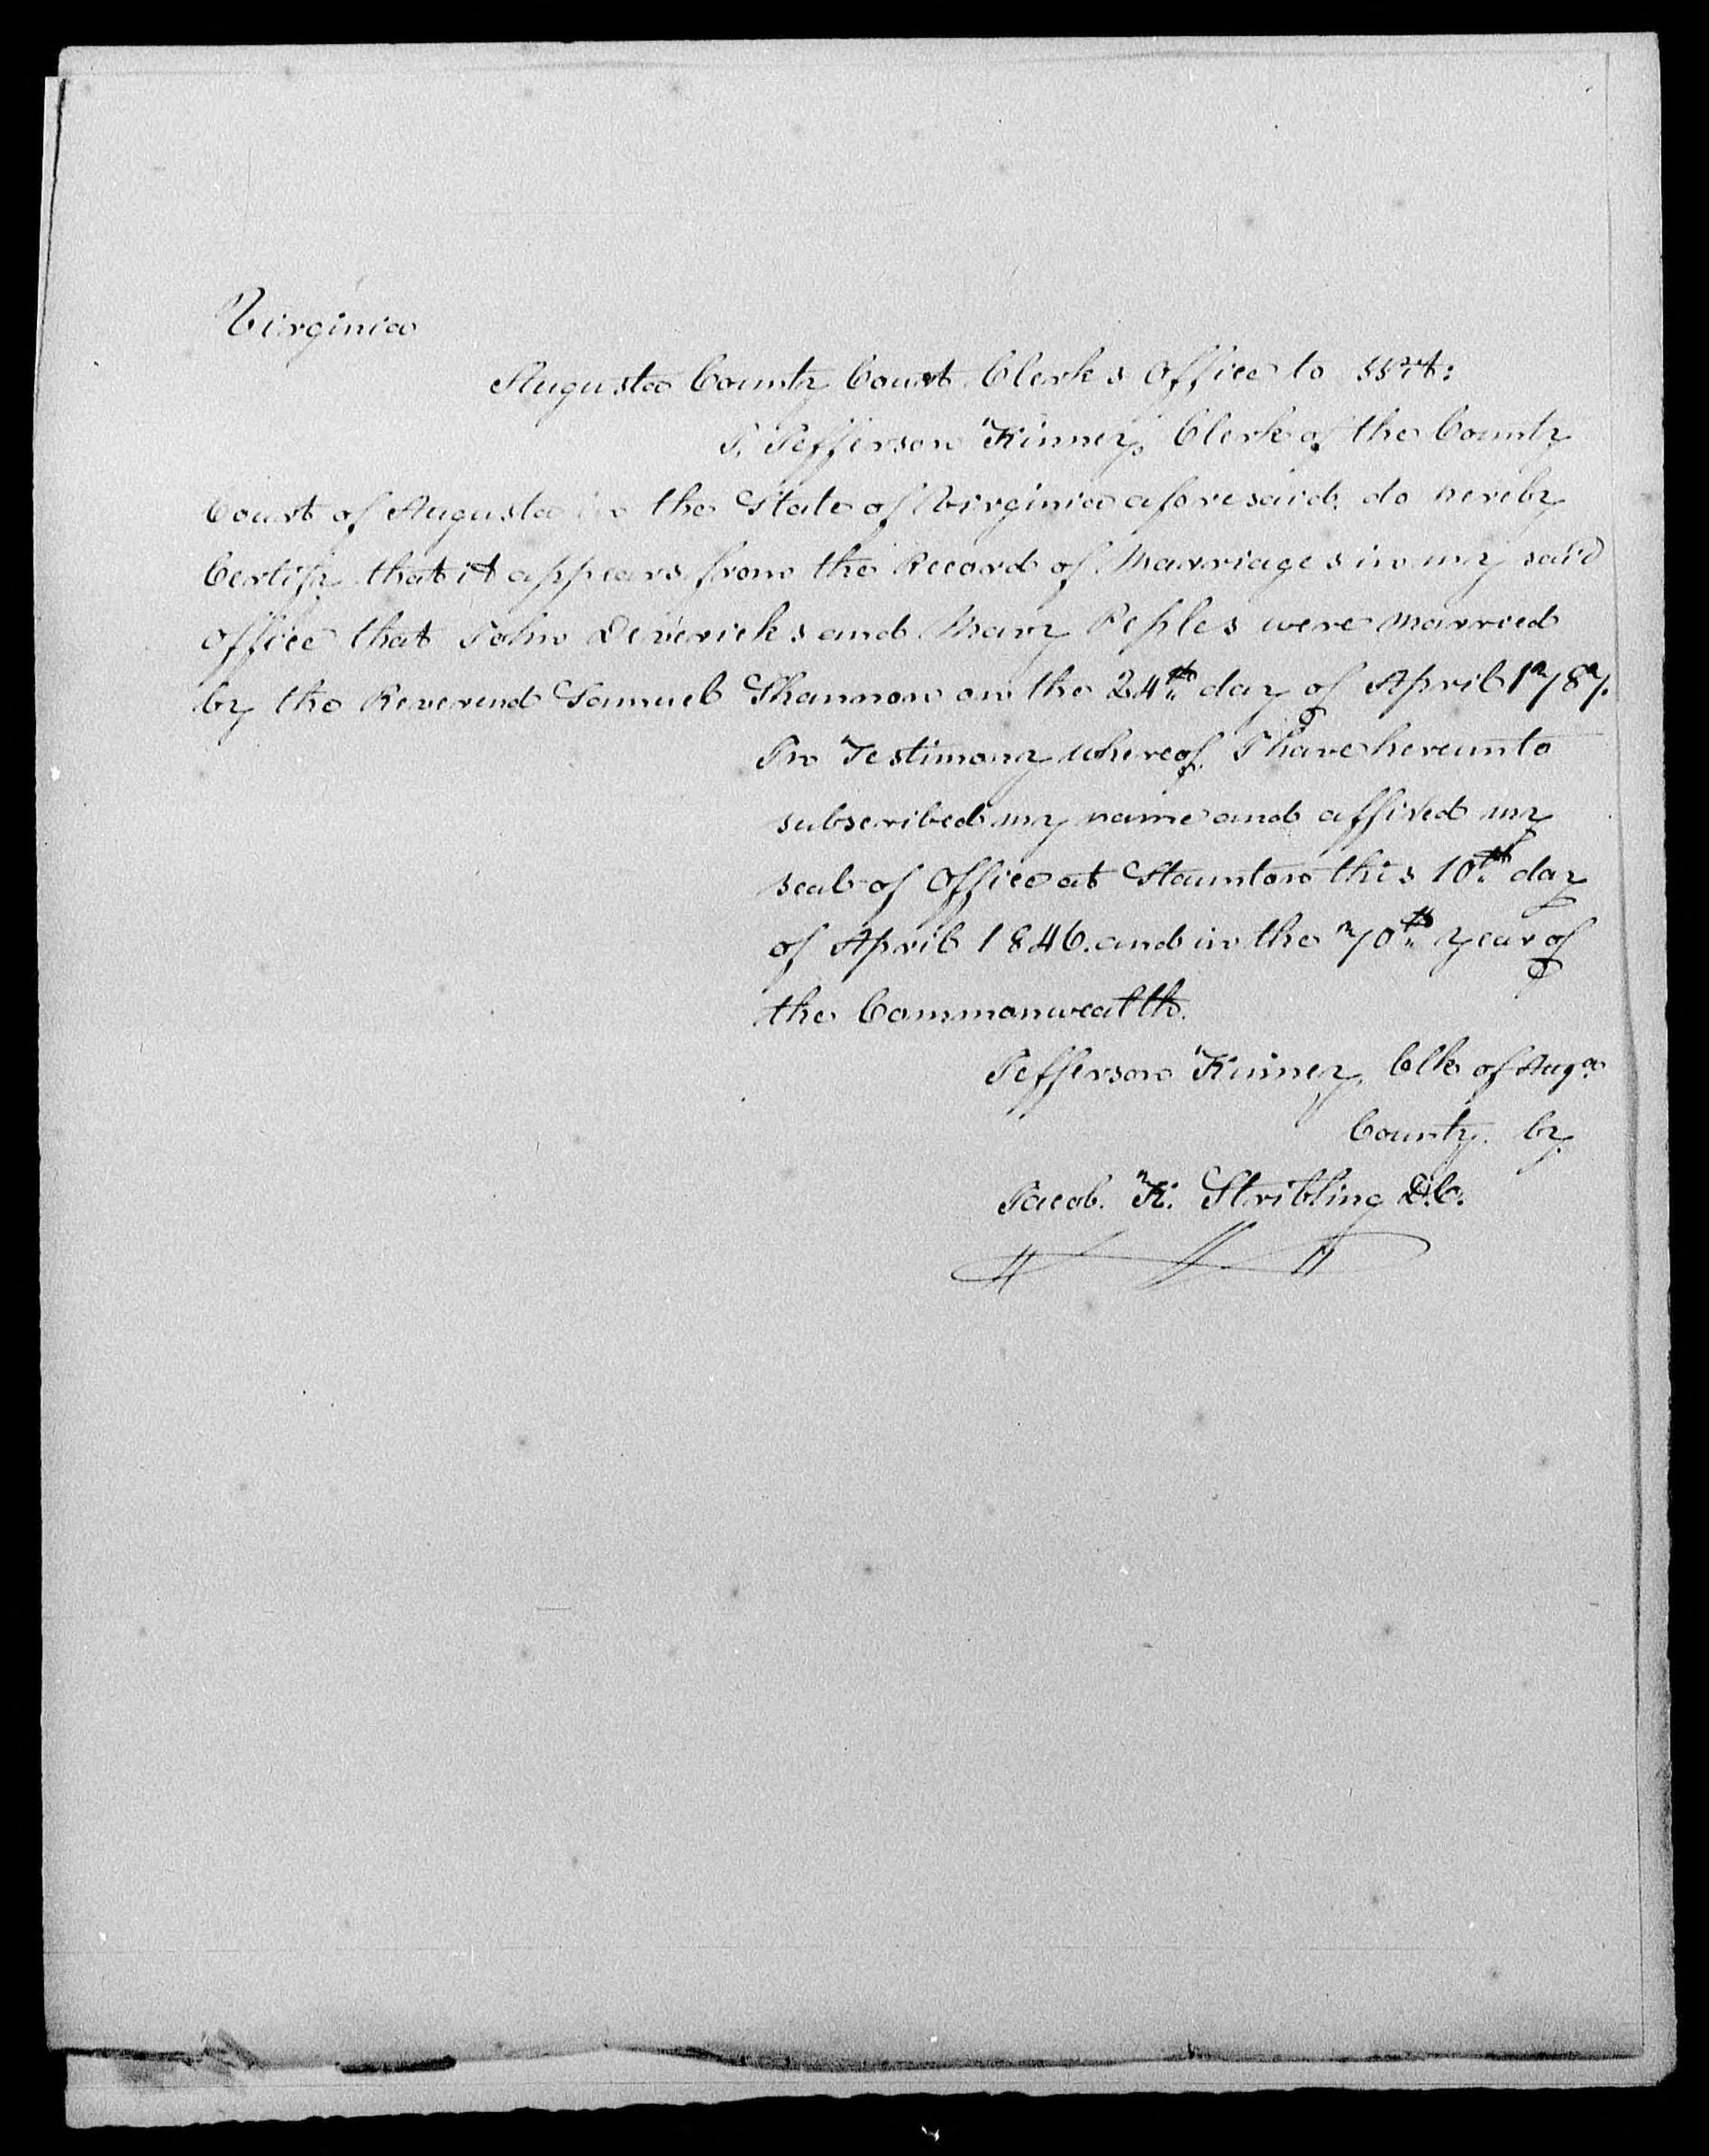Virginia

Augusta County Court Clerks Office to wit:

I Jefferson Kinney Clerk of the County Court of Augusta in the State of Virginia aforesaid do hereby Certify that it appears from the Record of Marriages in my said Office that John Devericks and Mary Peples were married by the Reverend Samuel Shannon on the 24th day of April 1787.

In Testimony whereof I have hereunto subscribed my name and affixed my seal of Office at [illegible] this 70th year of the Commonwealth.

Jefferson Kinney, Clerk of Aug. County by Jacob K. Stribling D. C.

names: John Devericks, Jefferson Kinney, Samuel Sharron, Jacob K Stribling, Mam Peples, Jefferson Kinney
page: 11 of 35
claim: widow's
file: W 7007, John Devericks, Va.